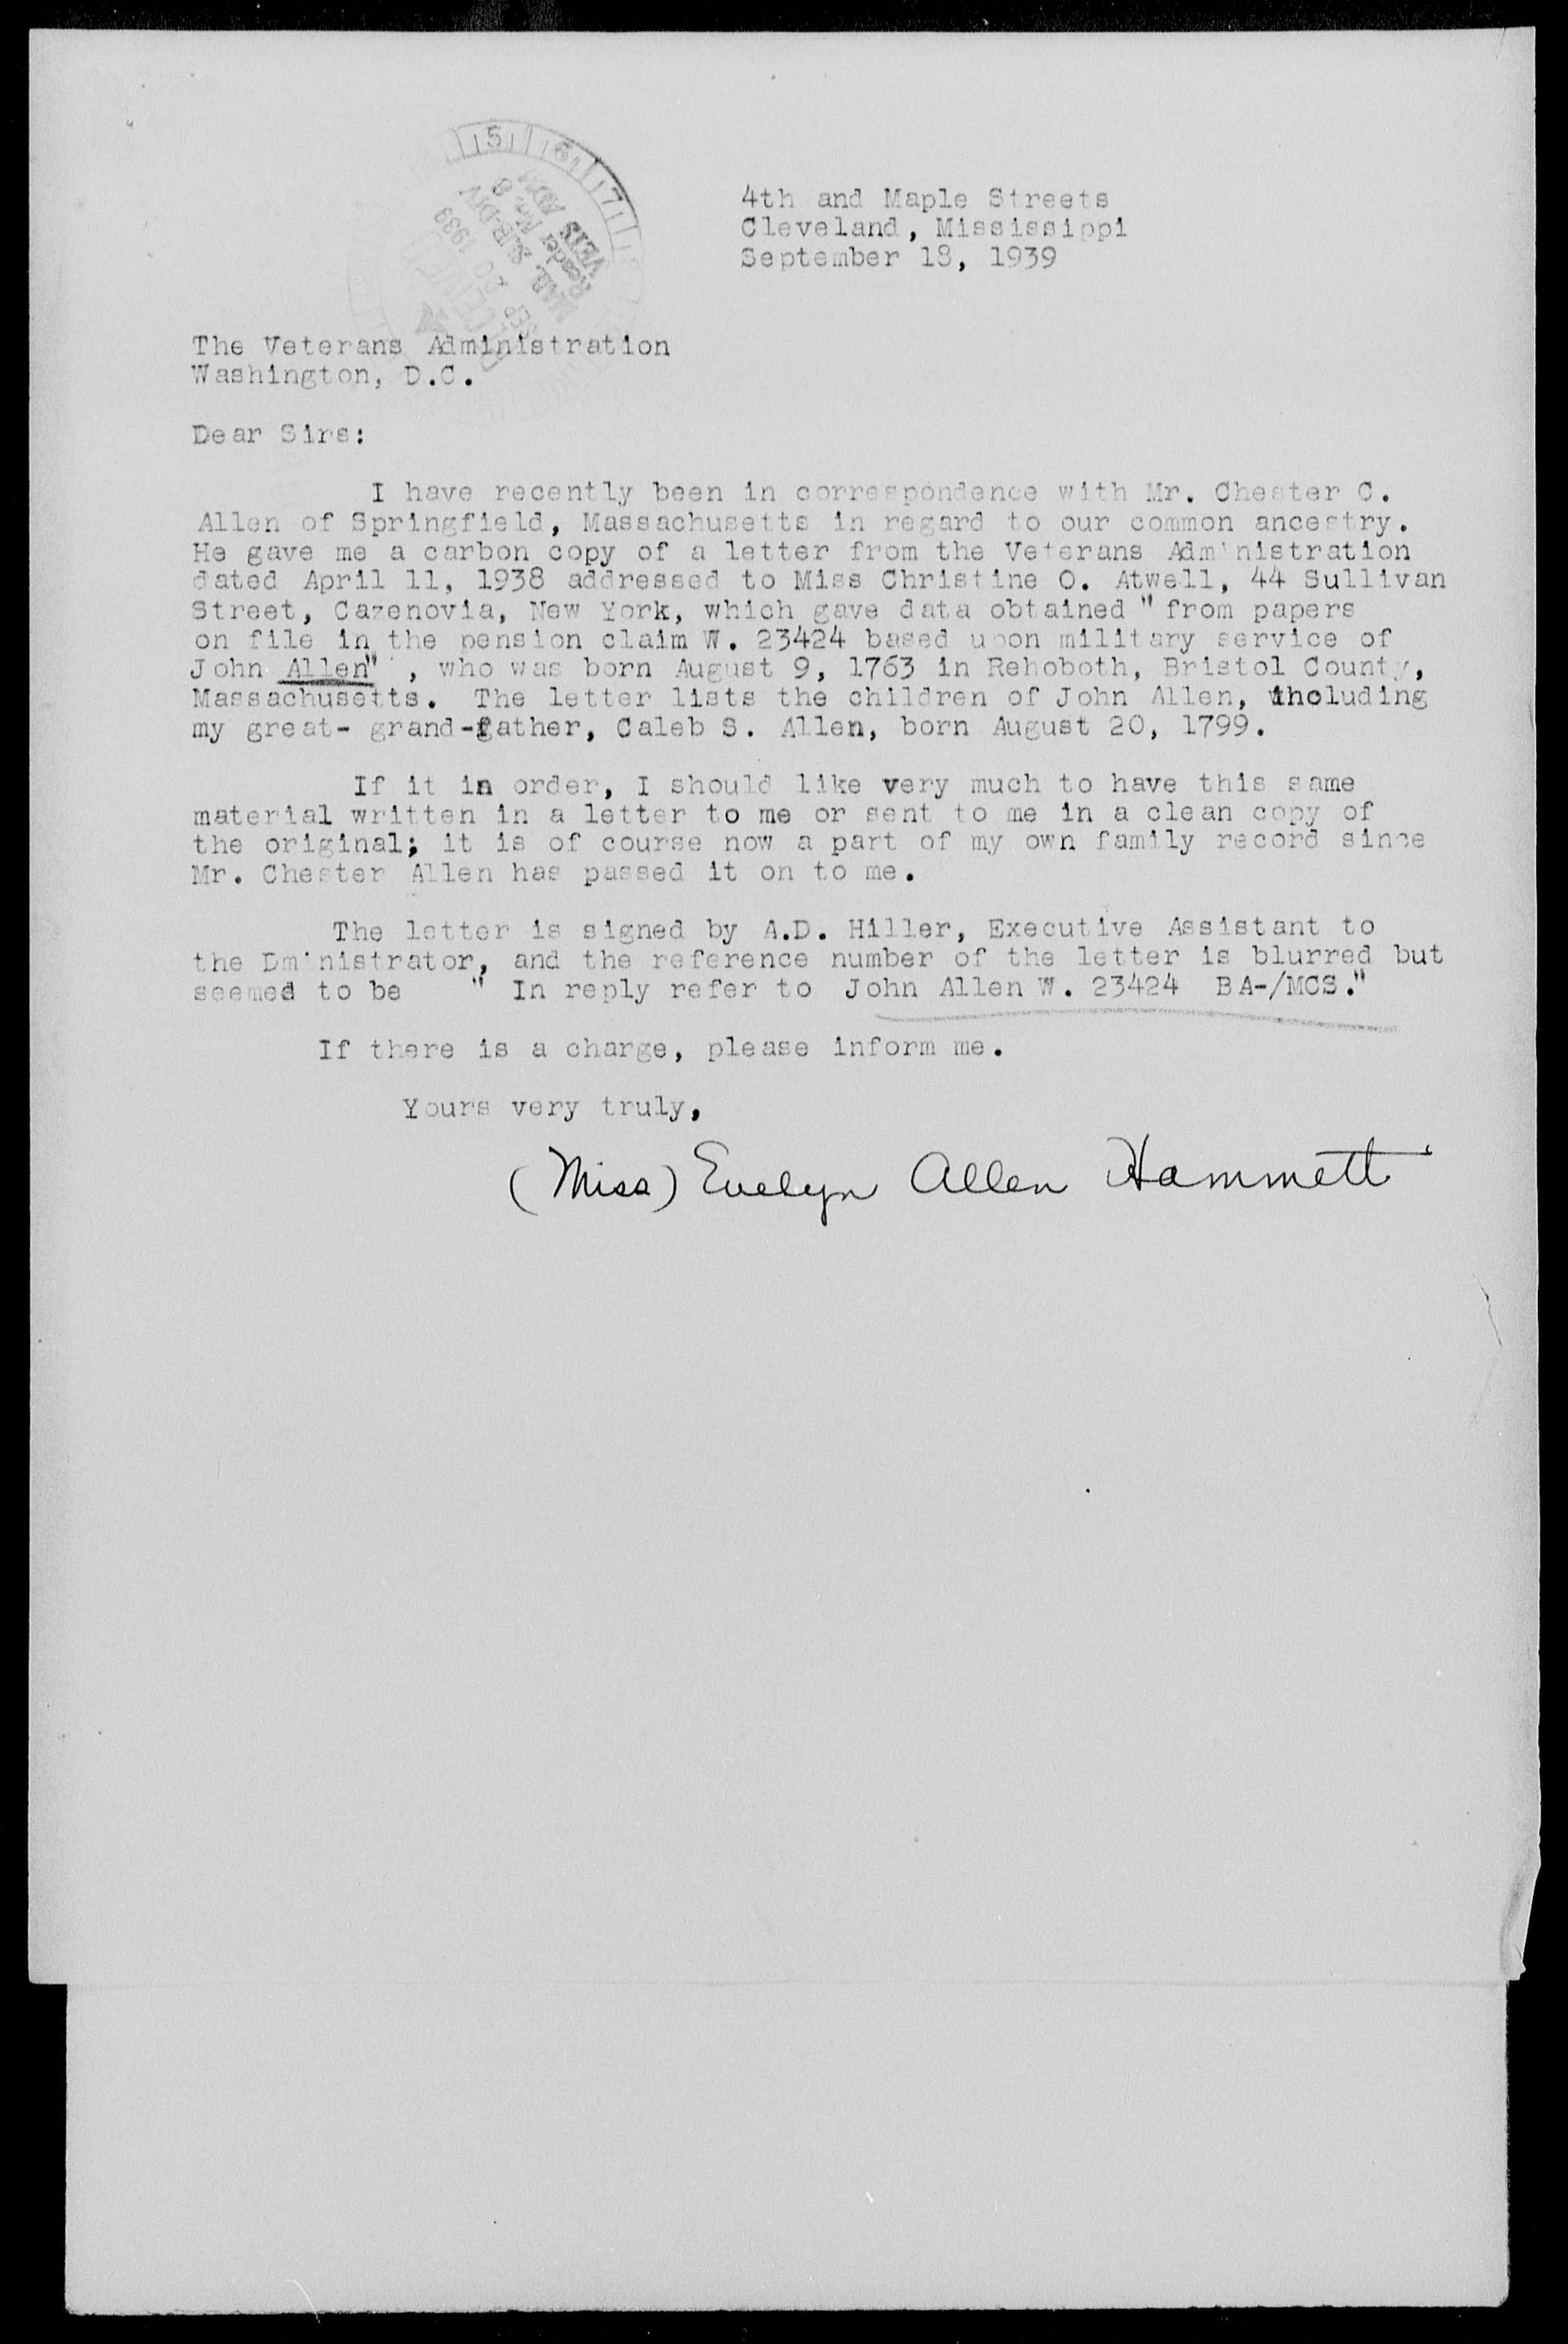[stamped]
RECEIVED SEP 20 1939
MAIL SUB-DIV Renderer
VETS ADM

4th and Maple Streets 
Cleveland, Mississippi
September 18, 1939

The Veterans Administration Washington, D.C.
Dear Sirs:
 I have recently been in correspondence with Mr. Chester C. Allen of Springfield, Massachusetts in regard to our common ancestry. He gave me a carbon copy of a letter from the Veterans Administration dated April 11, 1938 addressed to Miss Christine O. Atwell, 44 Sullivan Street, Cazenovia, New York, which gave data obtained “from papers on file in the pension claim W. 23424 based upon military service of John Allen”, who was born August 9, 1763 in Rehoboth, Bristol County, Massachusetts. The letter lists the children of John Allen, including my great-grand-father, Caleb S. Allen, born August 20, 1799. 
If it in order, I should like very much to have this same material written in a letter to me or sent to me in a clean copy of the original; it is of course now a part of my own family record since Mr. Chester Allen has passed it on to me. 
The letter is signed by A. D. Hiller, Executive Assistant to the Dministrator, and the reference number of the letter is blurred but seemed to be “In reply refer to John Allen W. 23424 BA-/MCS." 
If there is a charge, please inform me. 
Yours very truly, 
(Miss) Evelyn Allen Hammett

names: John Allen, John Allen, Evelyn Allen Hammett, A D Hiller, John Allen, Chester Allen, Caleb S Allen, Christine O Atwell, Chester C Allen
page: 67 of 74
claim: widow's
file: W. 23424, John Allen, Mass. R. I.